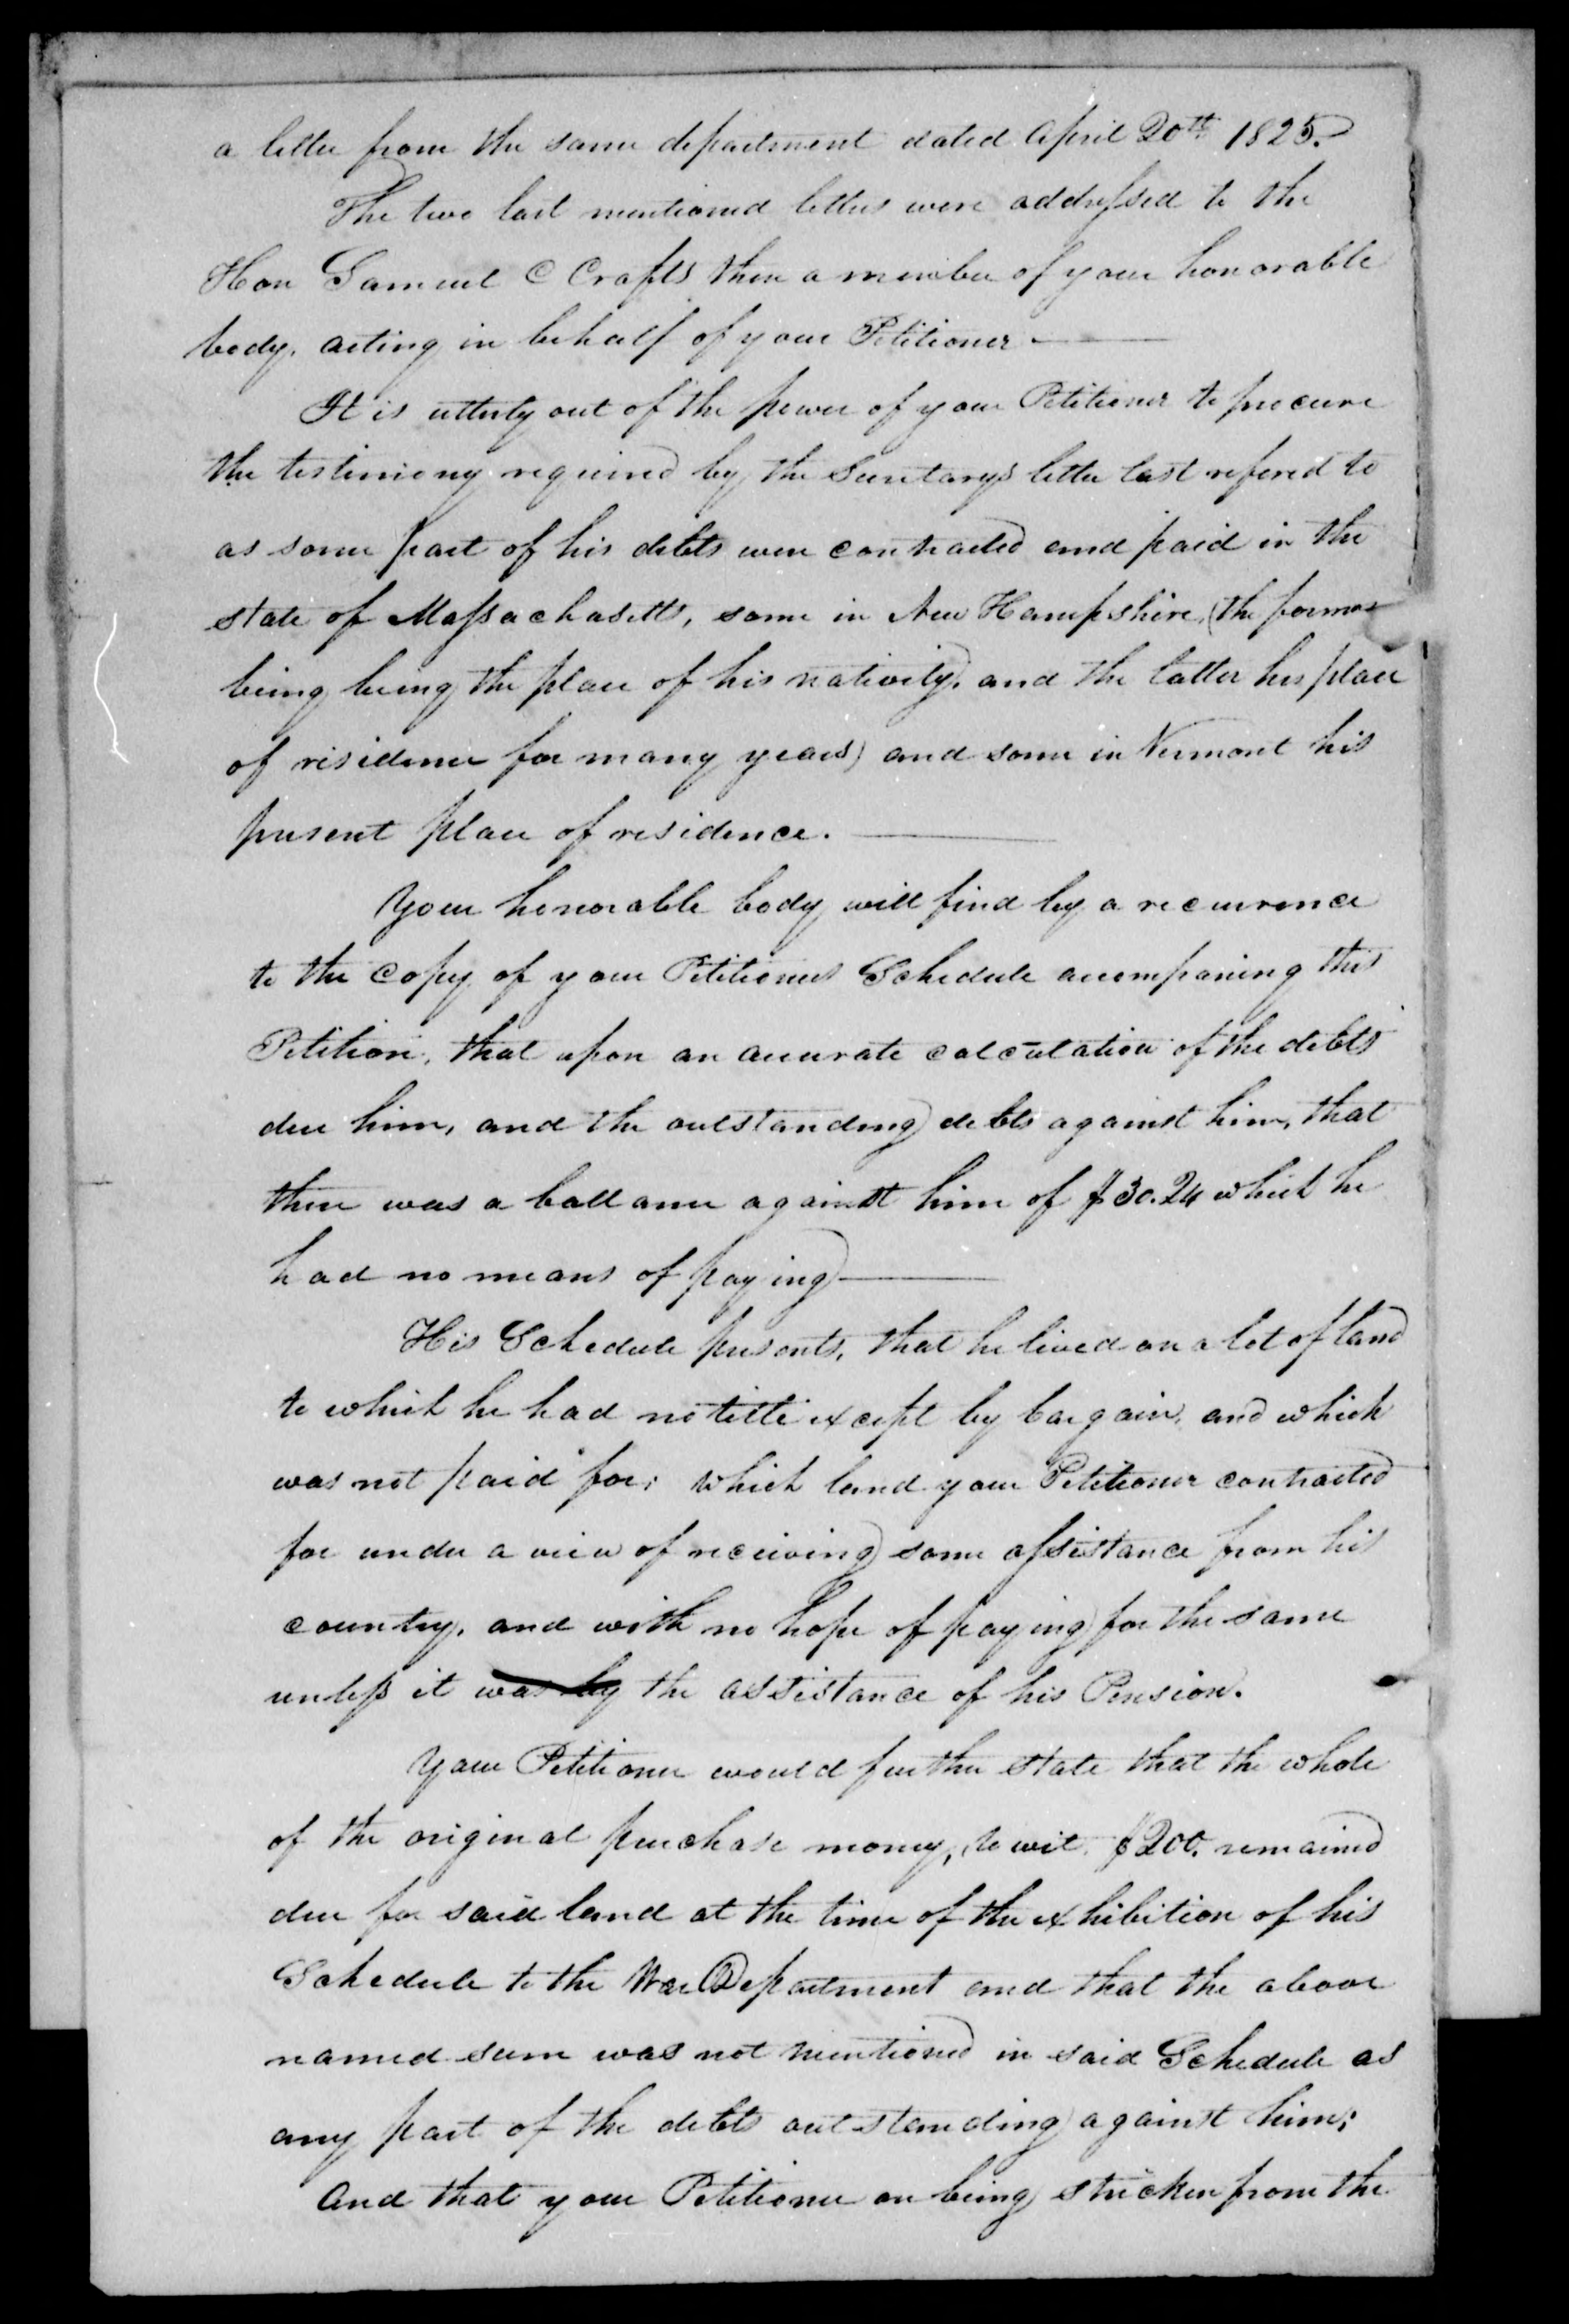a letter from the same department dated April 20th 1825.
The two last mentioned letters were addressed to the Hon Samuel C Crafts then a member of your honorable body, acting in behalf of your Petitioner-
It is utterly out of the power of your Petitioner to procure the testimony required by the Secretarys letter last refered to, as some part of his debts were contracted and paid in the
State of Massachusetts, some in New Hampshire, (the former being being the place of his nativity, and the latter his place
of residence for many years), and some in Vermont his present place of residence. -
Your honorable body will find by a recurrence
to the copy of your Petitioners Schedule accompaning this Petition, that upon an accurate calculation of the debts
due him, and the outstanding debts against him, that there was a ballance against him of $30.24 which he had no means of paying -
His Schedule presents, that he lived on a lot of land to which he had no title except by bargain, and which was not paid for: which land your Petitioner contracted
for under a view of receiving some assistance from his country, and with no hope of paying for the same unless it was by the assistance of his Pension.
Your Petitioner would further state that the whole of the original purchase money, to wit $200. remained due for said land at the time of the exhibition of his Schedule to the War Department and that the above named sum was not mentioned in said Schedule as
any part of the debts outstanding against him;
and that your Petitioner on being stricken from the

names: Samuel C Crafts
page: 76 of 87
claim: widow's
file: W. 25,966, Moses Weld, Mass.